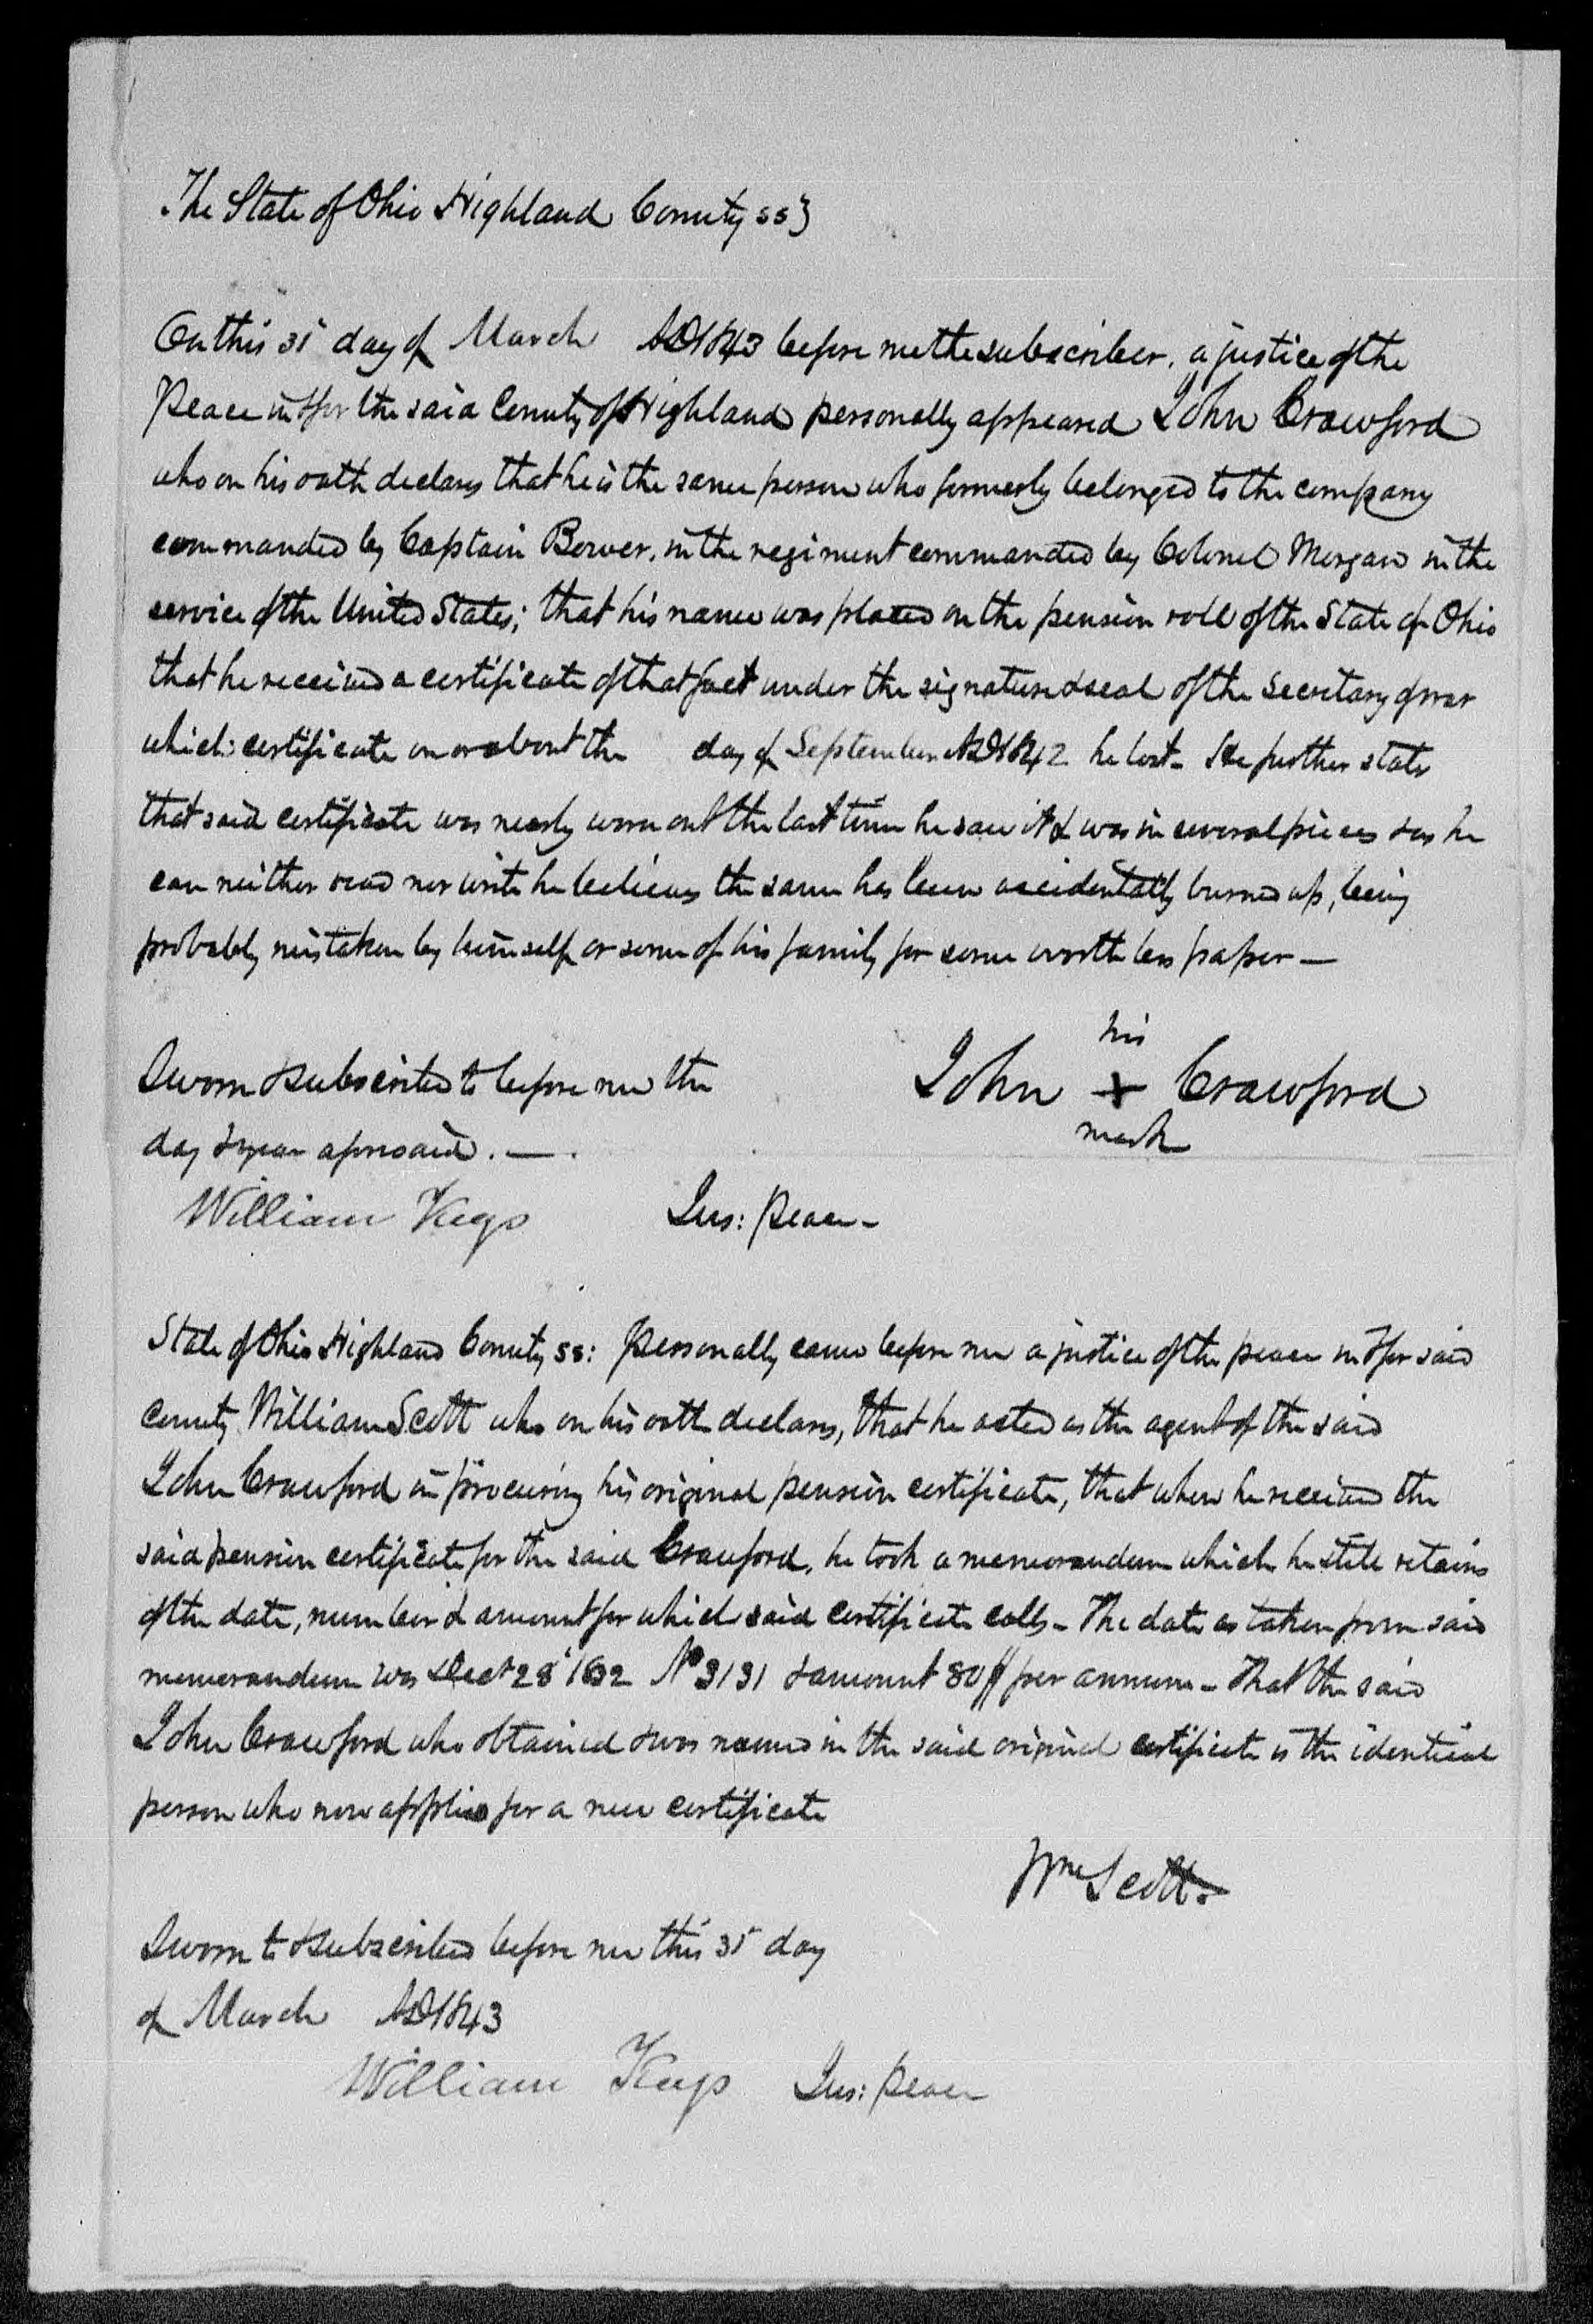The State of Ohio Highlight County ss
On this 32st day of March AD 1843 before me the subscriber a justice of the peace forthe said County of Highland personally appeared John Crawford who on his oath declares that he is the same person who formerly belonged to the company commanded by Captain Bower in the regiment commanded by Colonel Morgan in the service of the united states; that his name was placed on the pension role of the State of Ohio that he received a certificate of that face under the signatured seal of the secretary of war which certificate in or about the ___ day of September AD 1842 he lost. He further states that said certificate was nearly worn out the last time he saw it and was in several pieces he can neither read nor write he believes the [illegible] he [illegible] accidentally burned up leaving probably mistaken by himself of some of his family for some worthless paper. 
John Crawford [his mark]

Sworn subscribed before me the day and year aforesaid
William Keys Jus: Peace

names: Bower, William Scott, Morgan, Wm Scott, John Crawford, William Keys, John Crawford, John Crawford, William Keys, Crawford, John Crawford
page: 20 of 80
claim: widow's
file: W 2070, John Crawford, Penn.